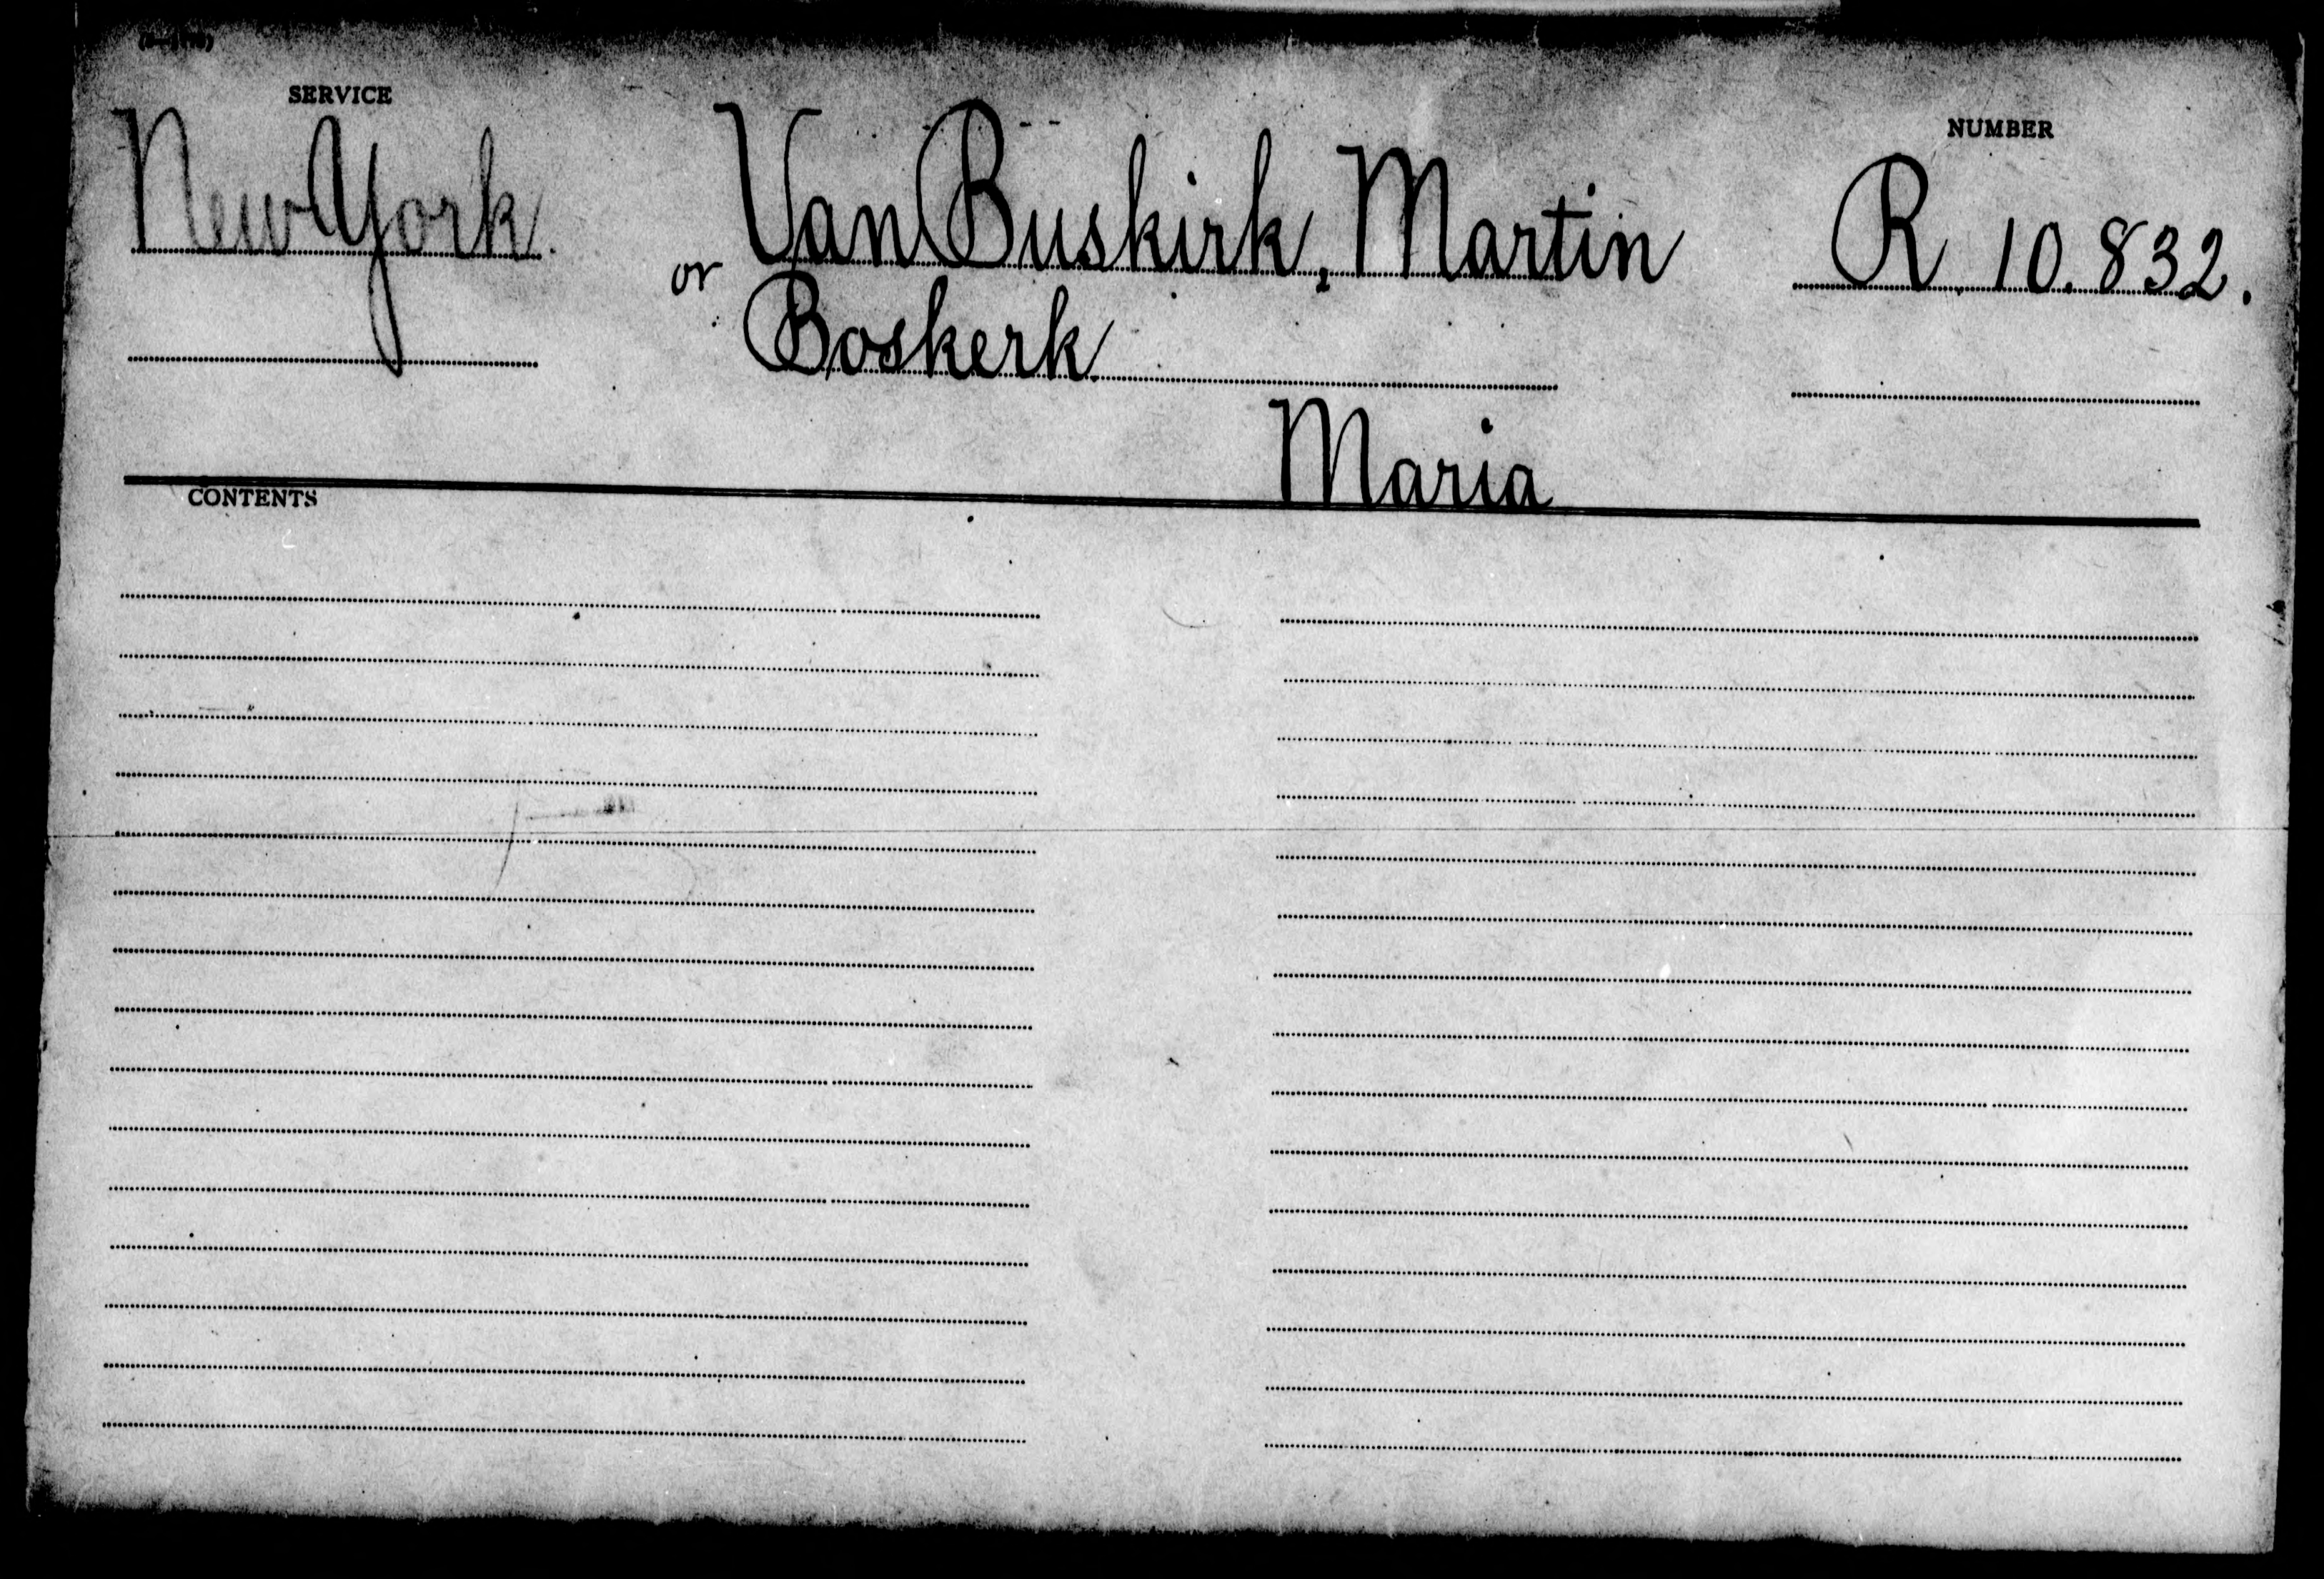Service
New York

Van Buskirk, Martin 
Or
Boskerk
Maria

Number
R 10.832.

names: Martin Boskerk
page: 1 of 70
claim: rejected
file: R. 10,832, Martin Van Buskirk, New York.